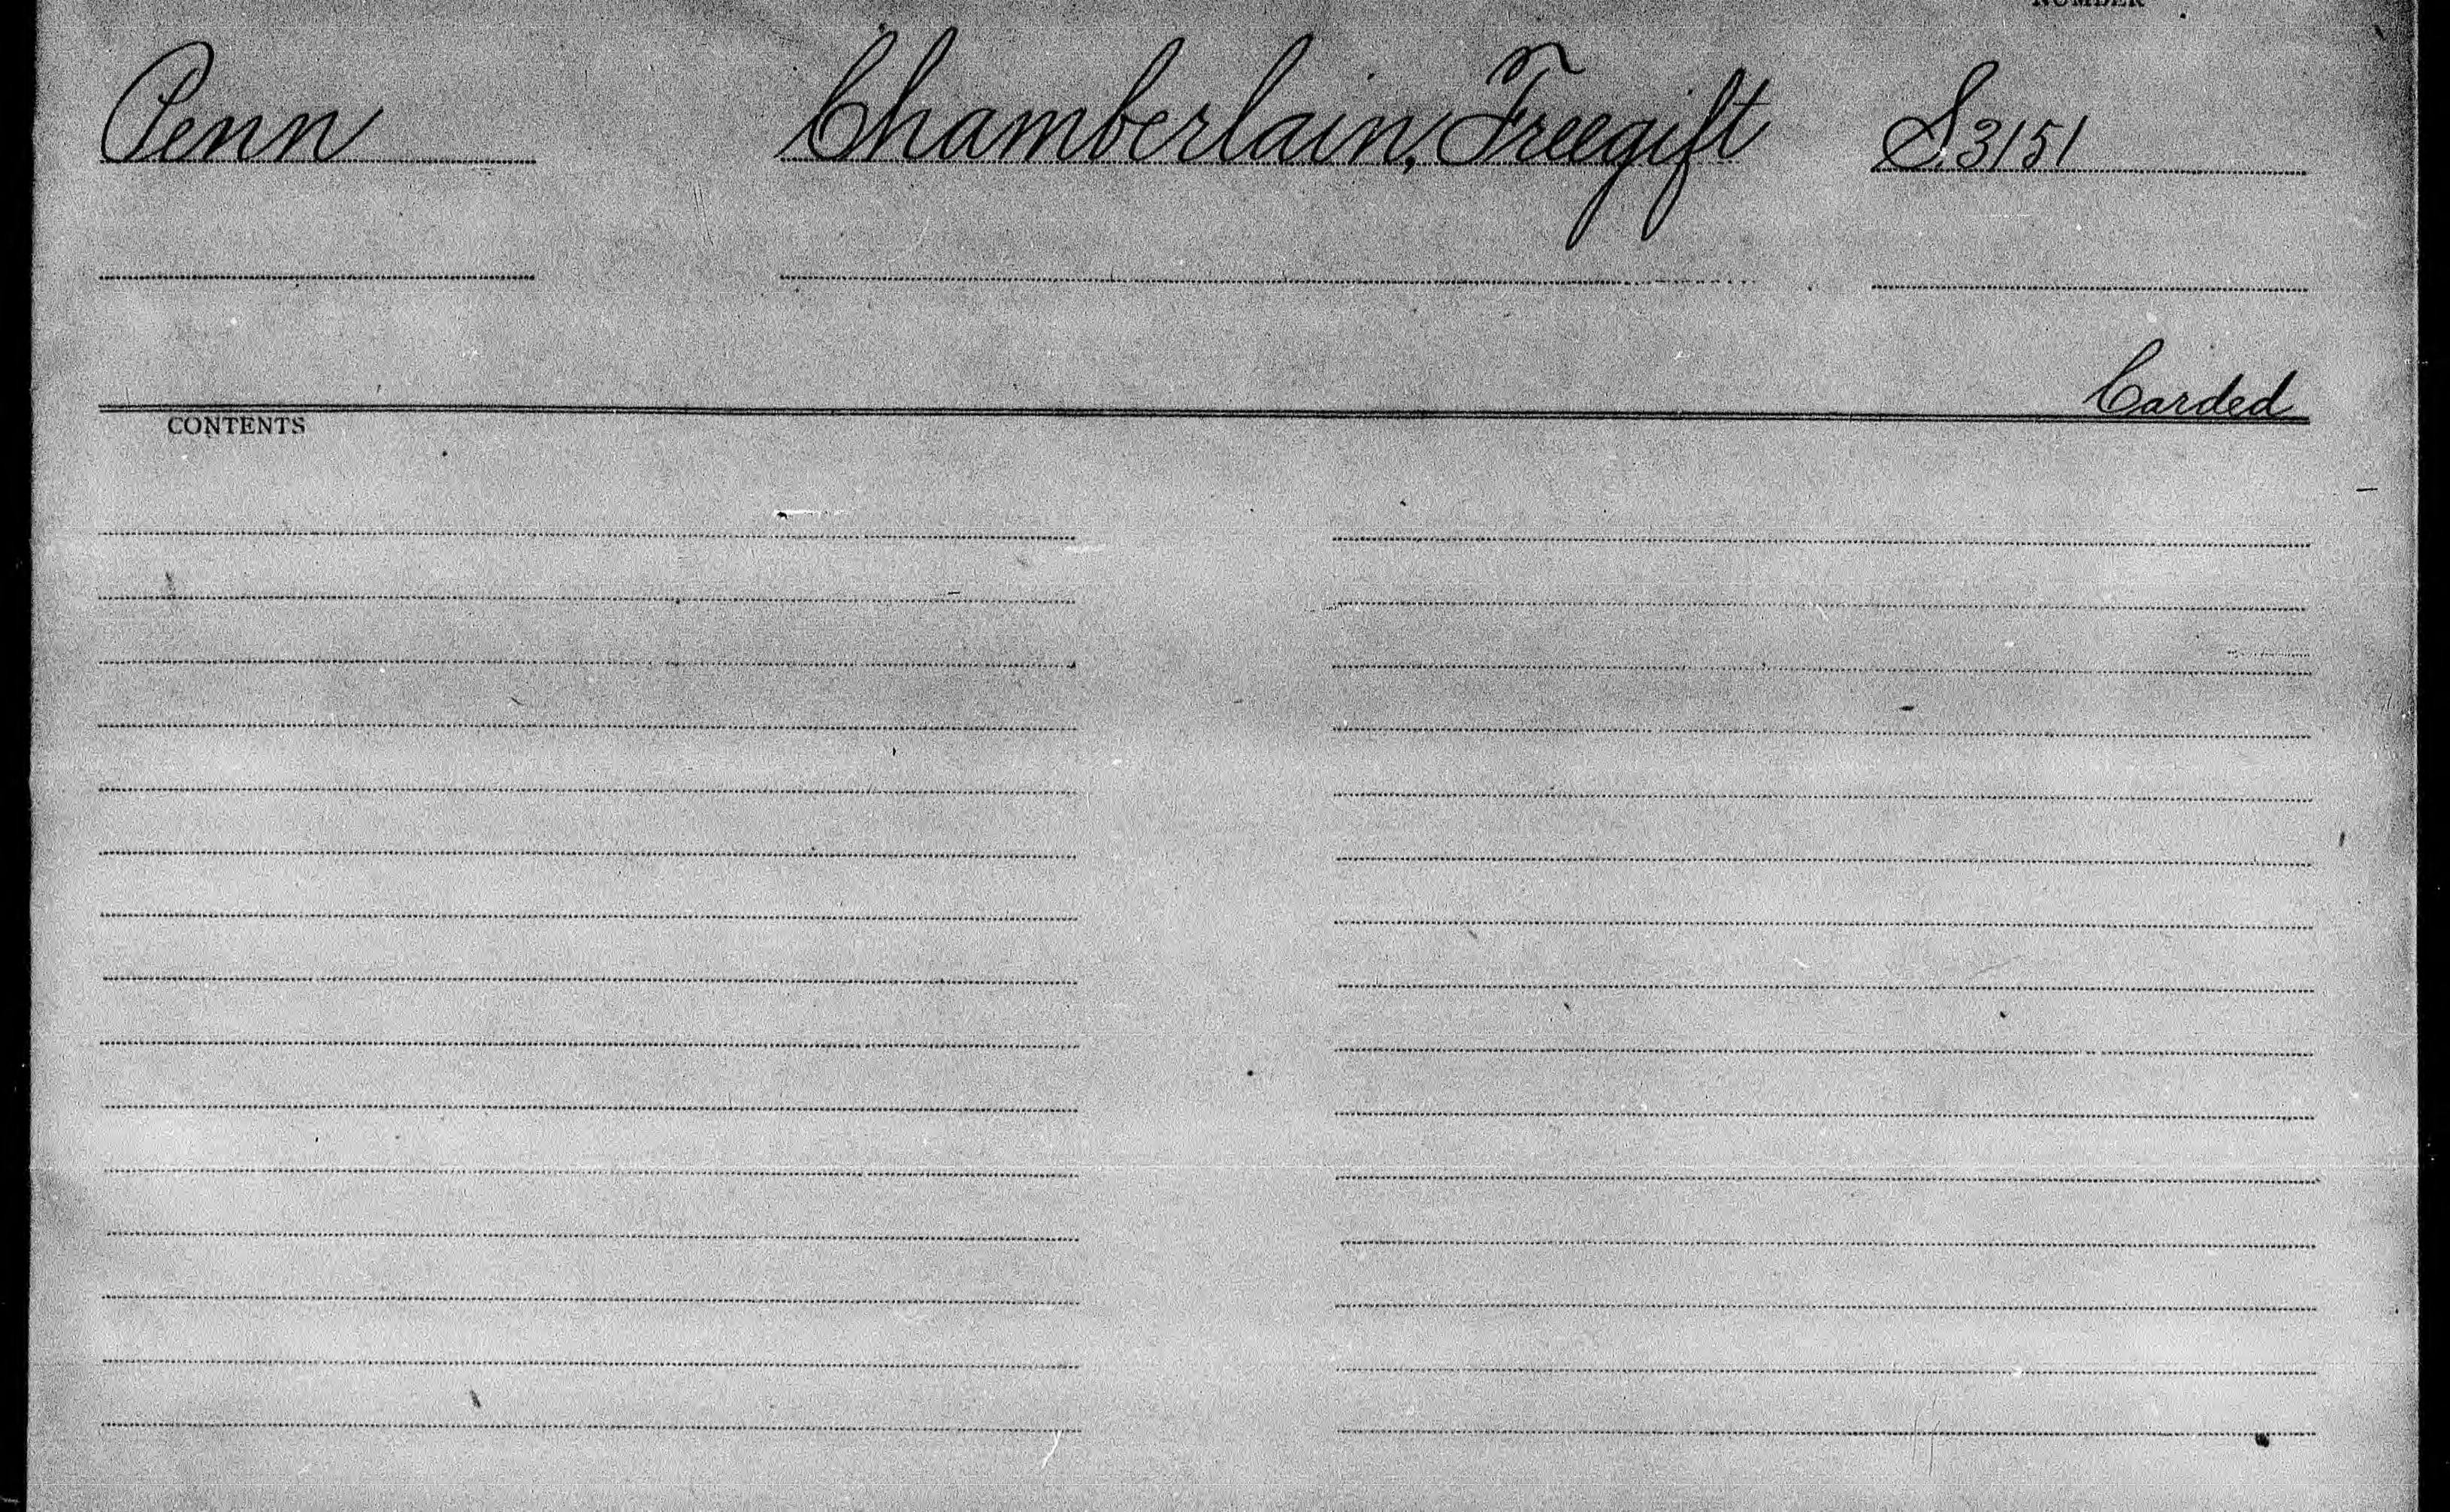SERVICE   Penn.
Chamberlain, Freegift
NUMBER  S.3151
Carded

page: 1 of 18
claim: survivor's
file: S. 3151, Freegift Chamberlain, Penn.